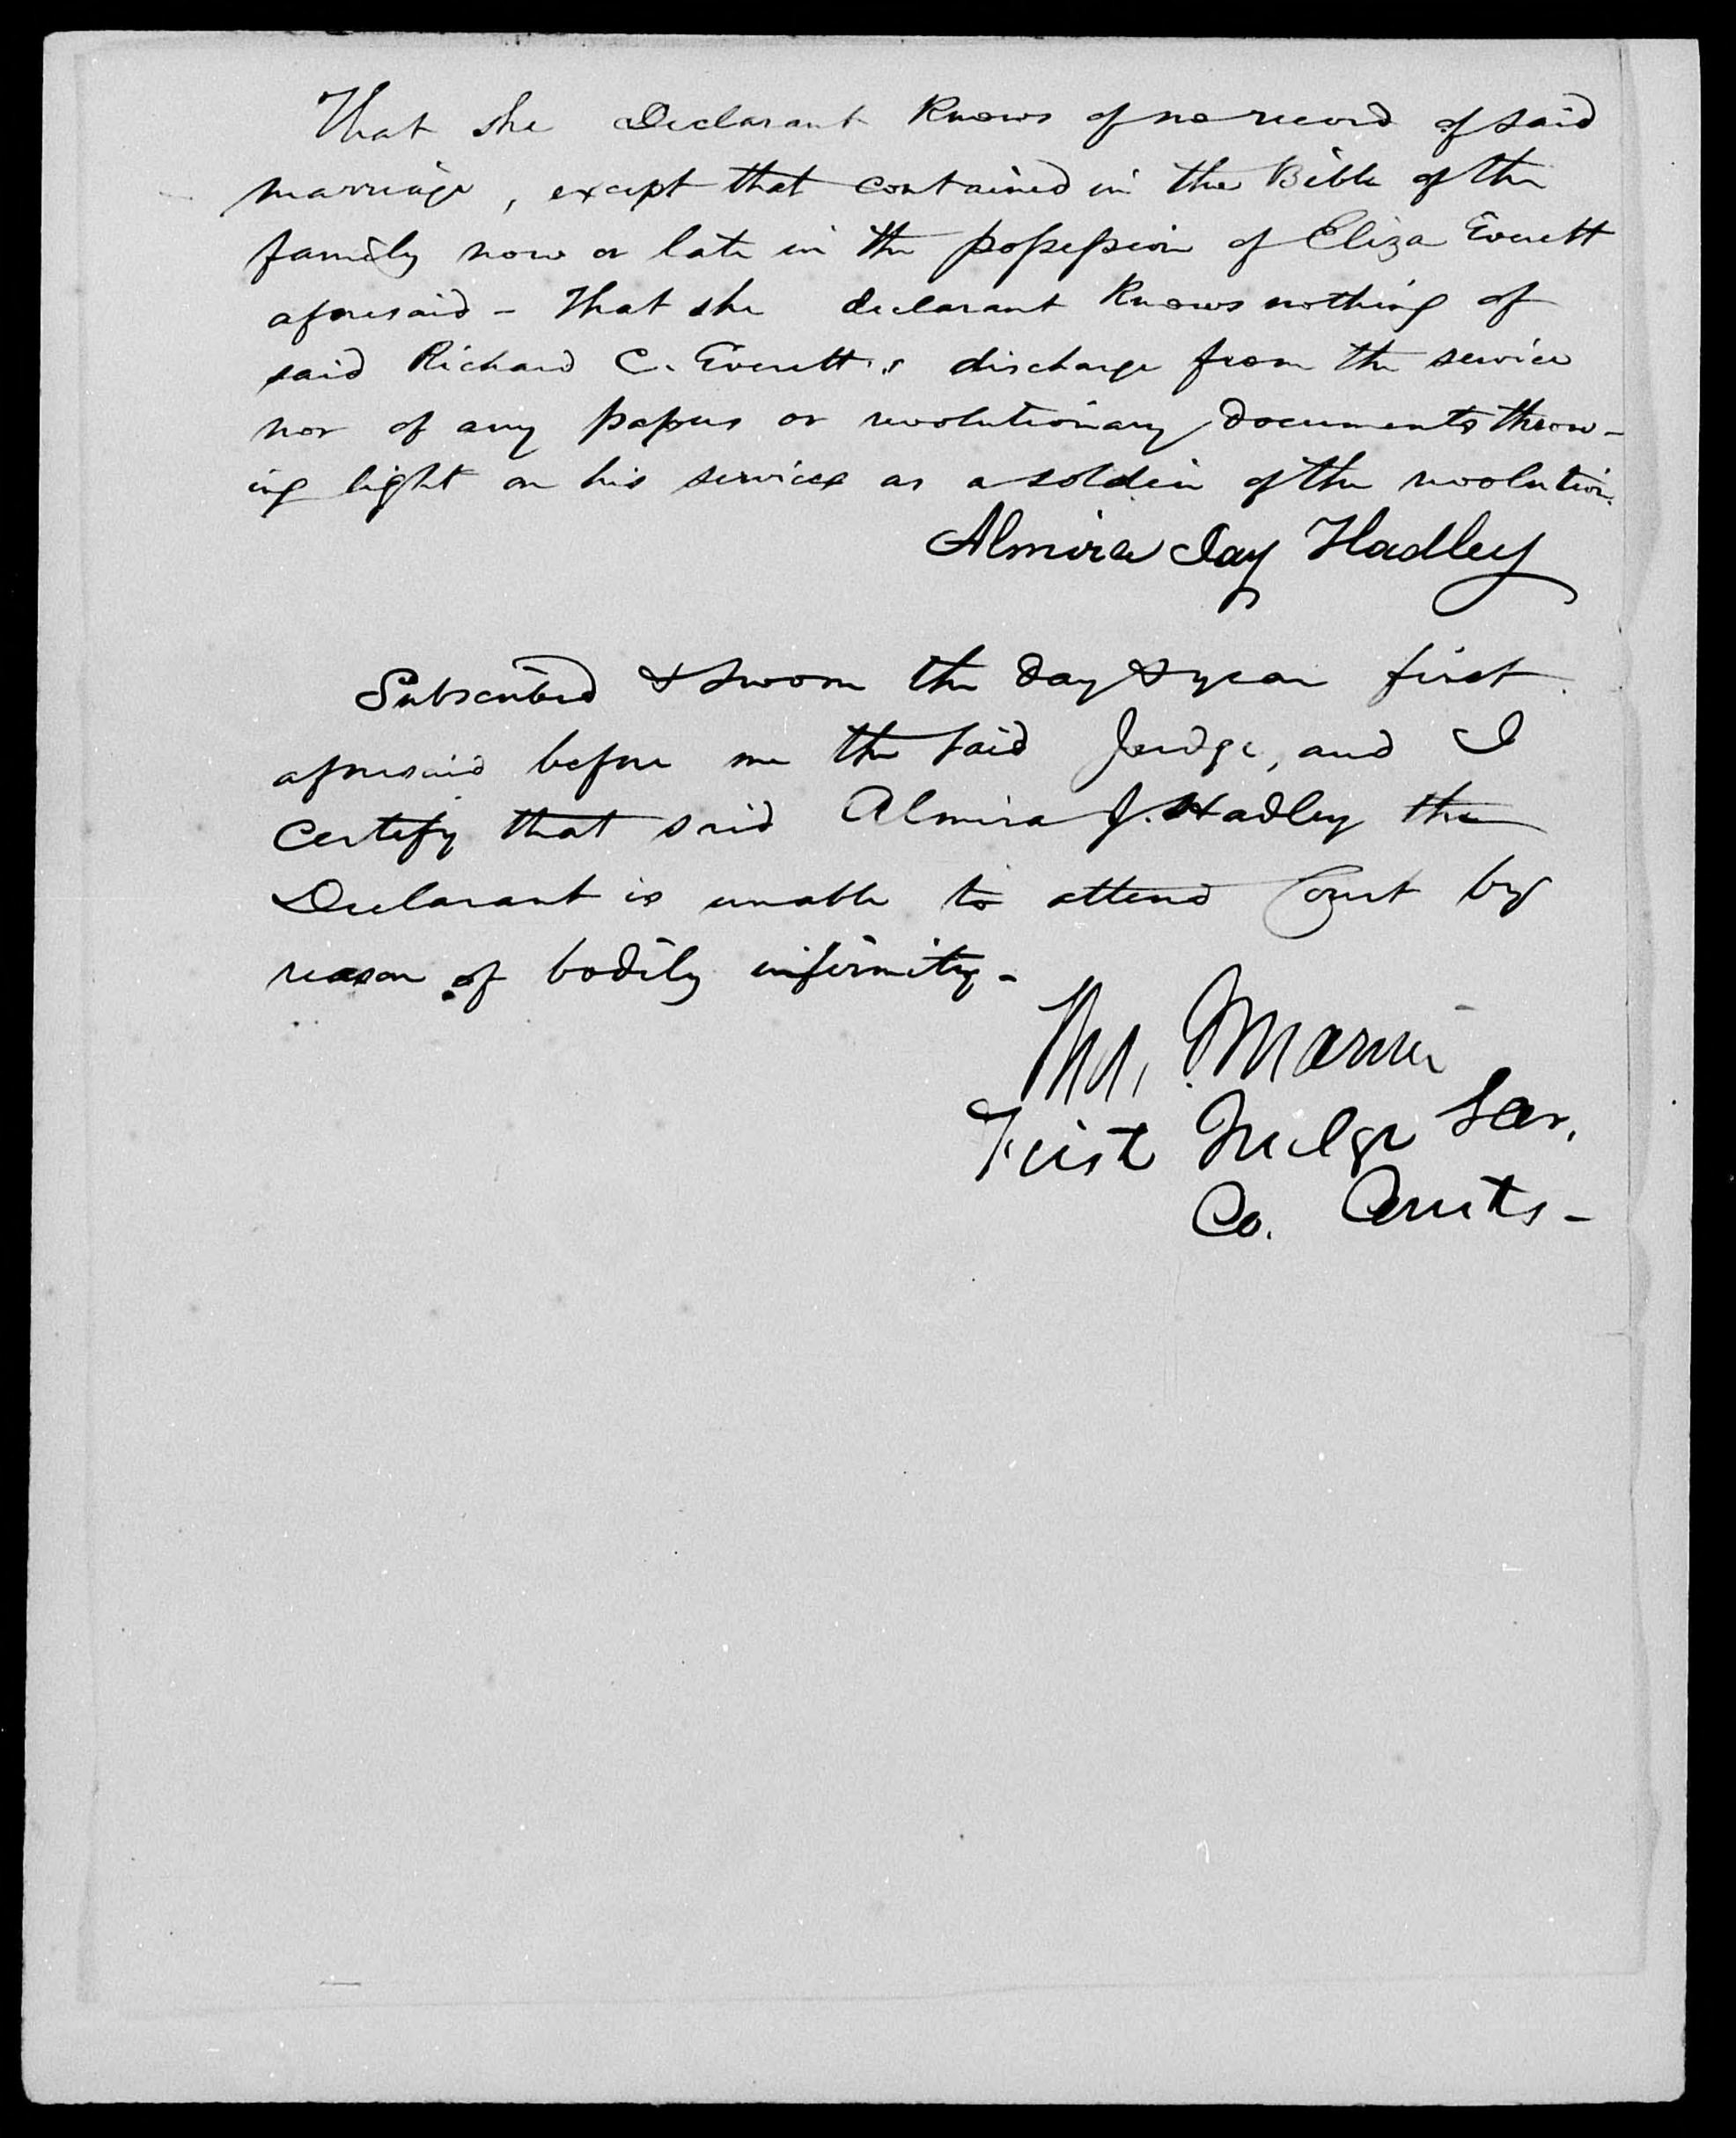That the Declarant knows of no record of said marriage, except that contained in the Bible of the family now or later in the papers of Eliza Everett afore said - That she declarant knows nothing of said Richard C. Everett's discharge from the service nor of any papers or revolutionary documents to throw any light on his service as a soldier of the revolution
Almira Jay Hadley
Subscribed + sworn the day + year first aforesaid before me the said judge, and I certify that said Almira J. Hadley the declarant is unable to attend court by reason of bodily infirmity.
Mr [Marion?]
First Judge Sar. (Saratoga) 
Co. Courts.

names: Thos Marvin, Almira J Hadley, Richard C Everett, Almira Jay Hadley, Eliza Everett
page: 7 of 59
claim: widow's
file: W. 23017, Richard Clair Everett, Mass.